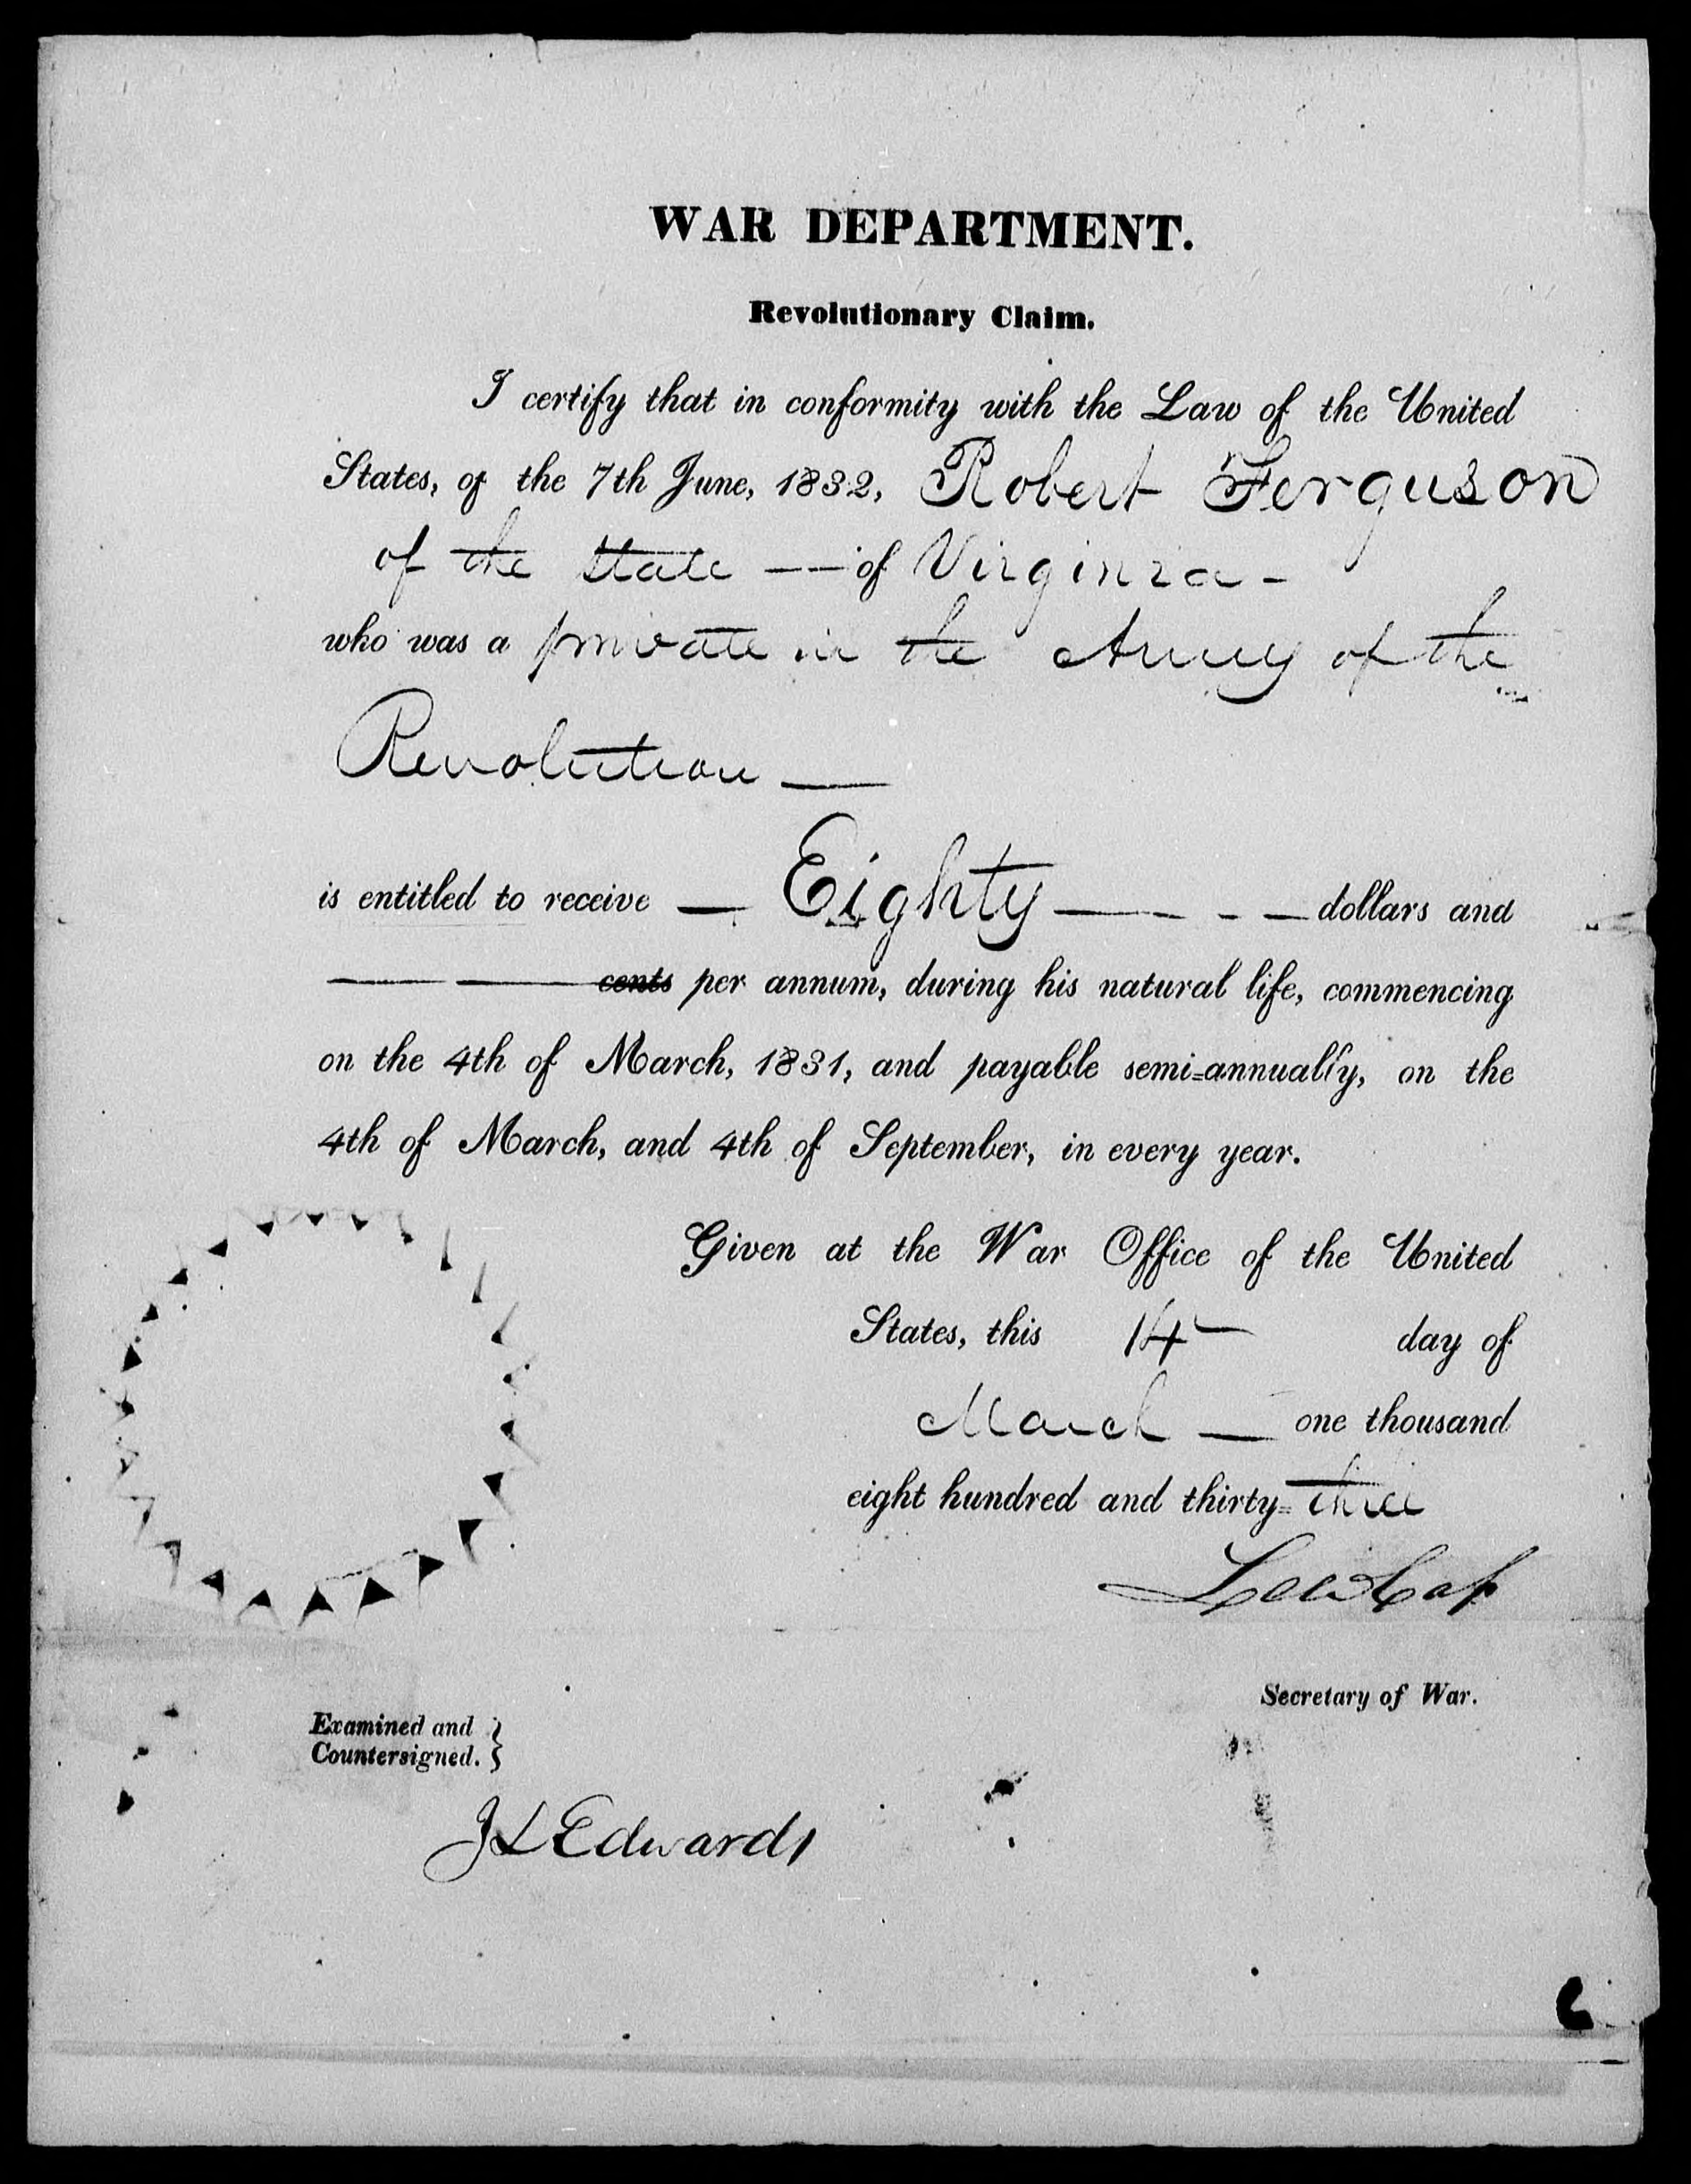WAR DEPARTMENT 
Revolutionary Claim.

I certify that in conformity with the Law of the United States, of the 7th June, 1832, Robert Ferguson of the state of Virginia who was a private in the Army of the Revolution ___

is entitled to receive Eighty dollars and _____ cents per annum, during his natural life, commencing on the 4th of March, 1831, and payable semi-annually, on the 4th of March, and 4th of September, in every year. 

Given at the War Office of the United States, this 14 day of March __ one thousand eight hundred and thirty-three
Lew Cass
Secretary of War

Examined and Countersigned.
J L Edwards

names: J L Edwards, Lew Cass, Robert Ferguson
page: 68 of 81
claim: widow's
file: W. 7262, Robert Ferguson, Va.